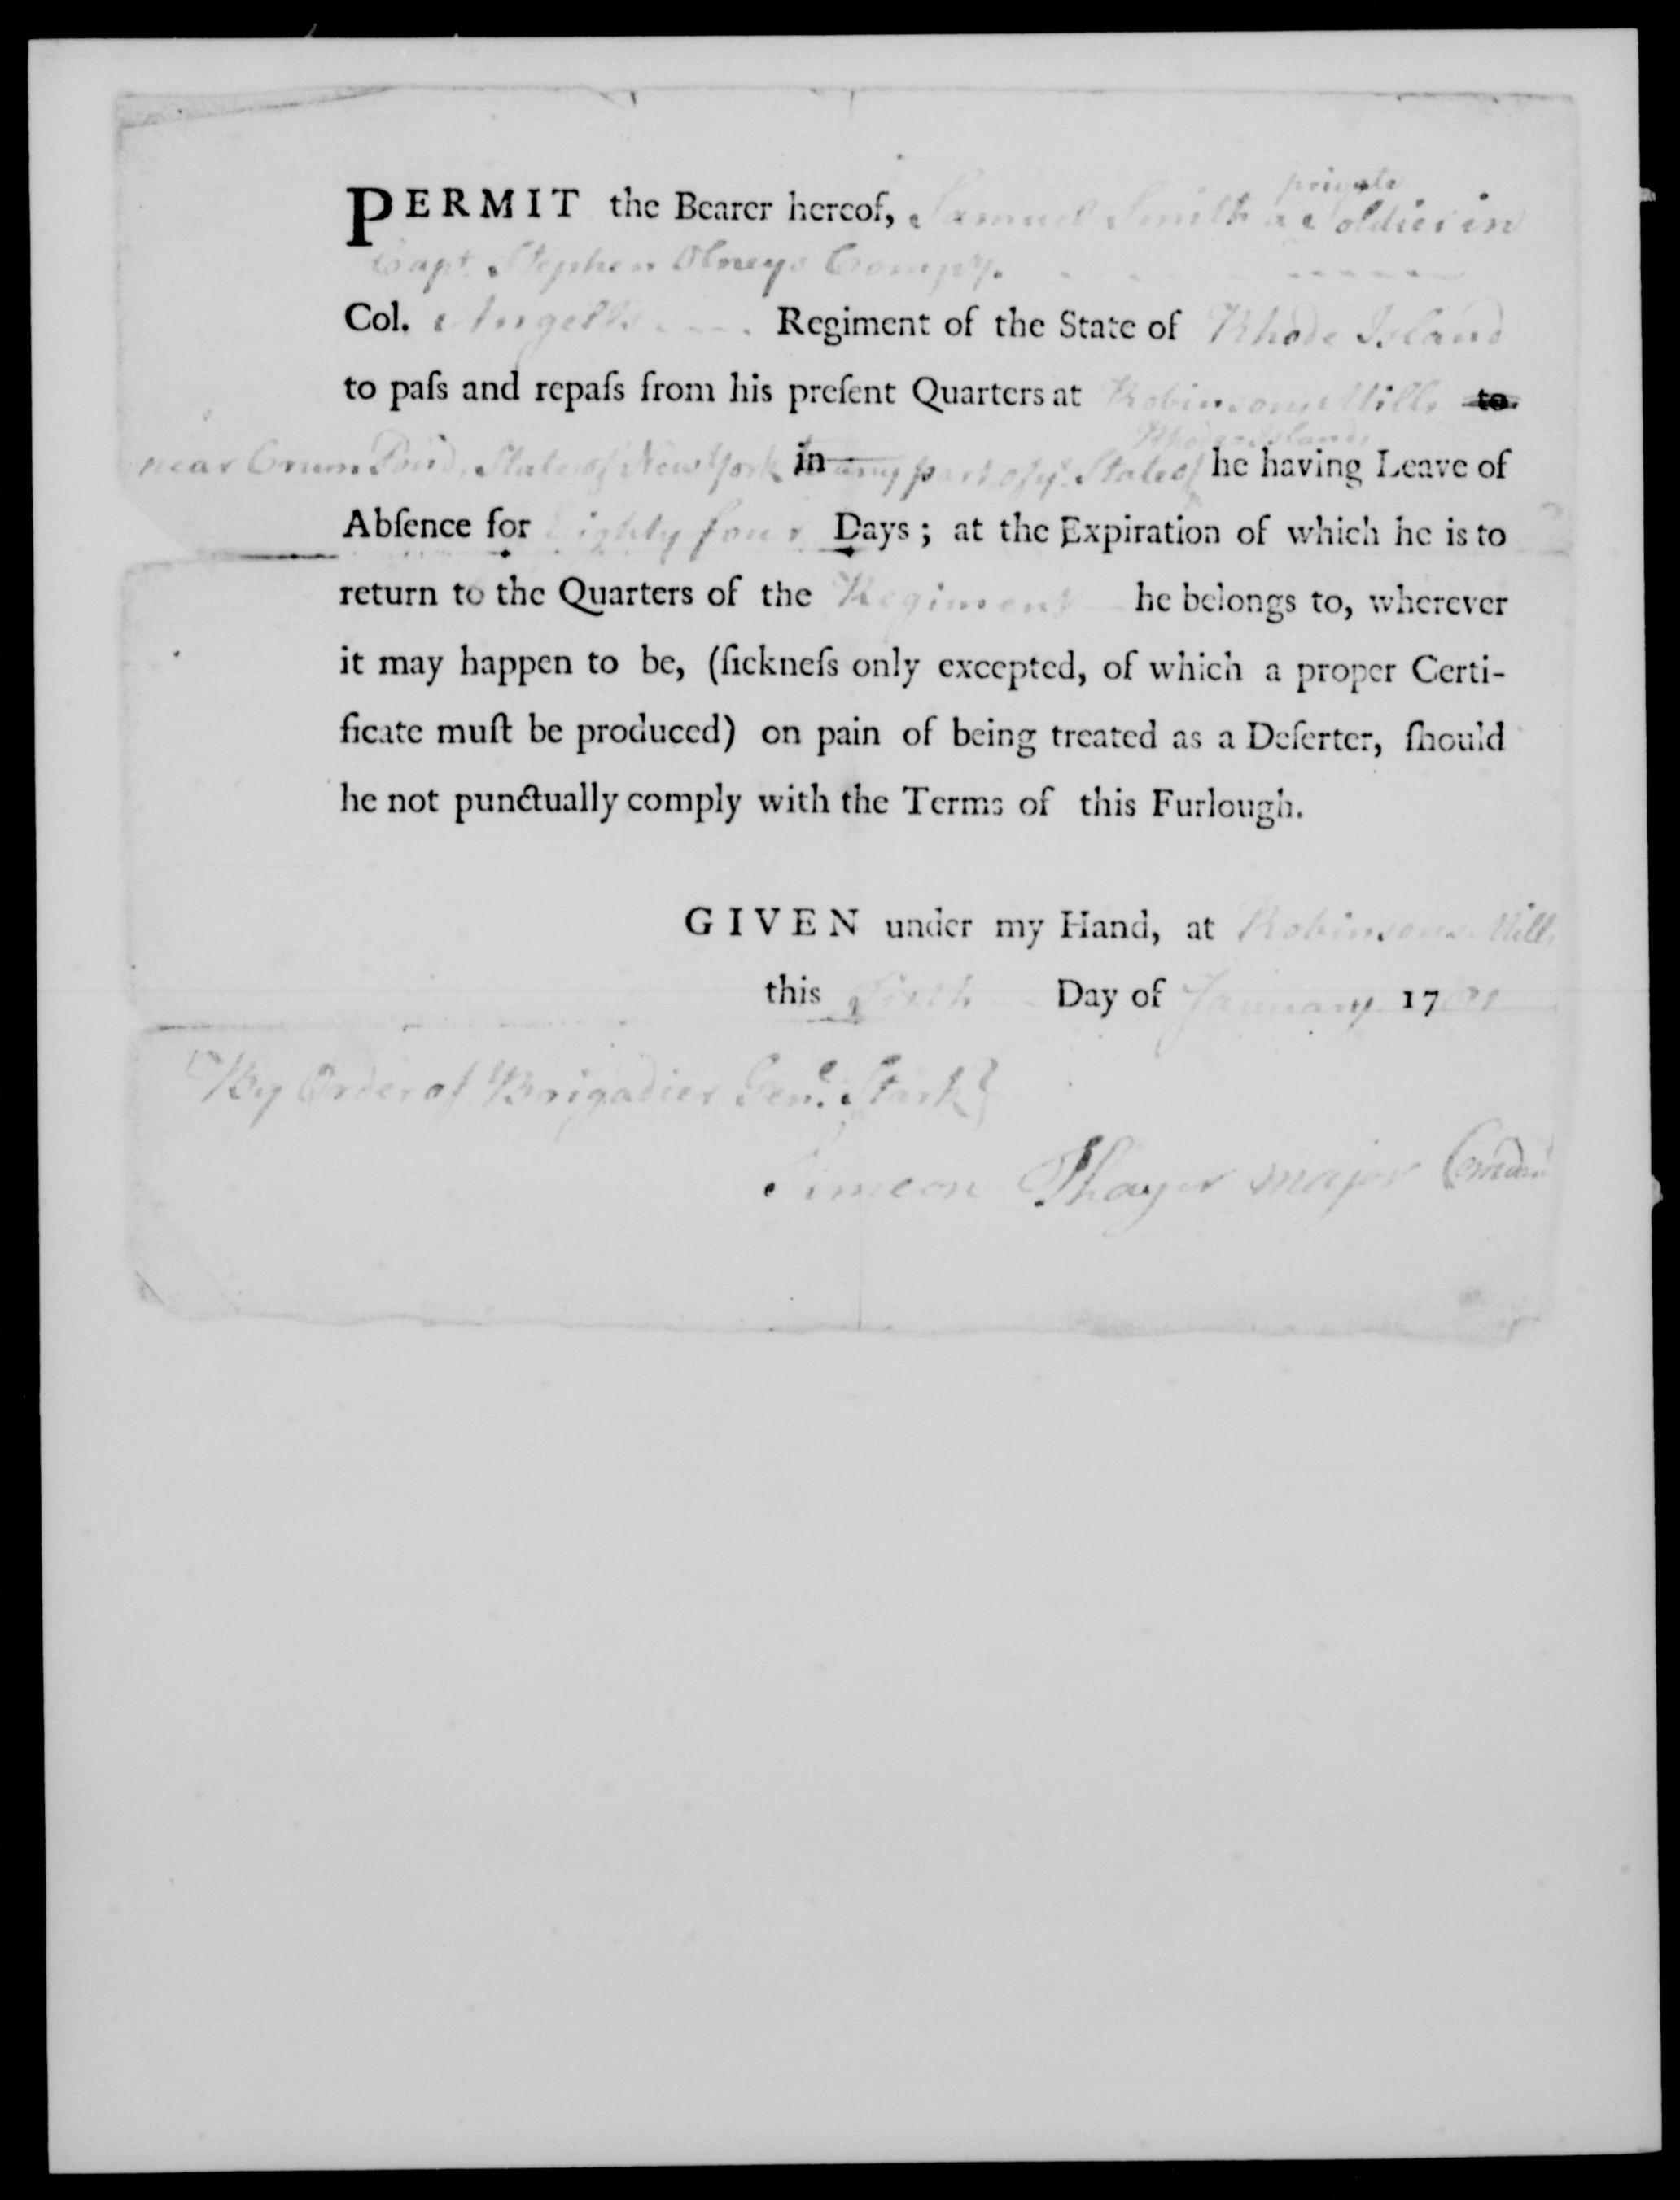PERMIT the Bearer hereof, Samuel Smith a private soldier in Capt. Stephen Olney's Company Col. Angell's Regiment of the State of Rhode Island to pass and repass from his present Quarters at Robinson Mill near Crompond  State of New York in any part of  State of Rhode Island he having Leave of Absence for eighty four Days; at the Expiration of which he is to return to the Quarters of the Regiment he belongs to, wherever it may happen to be, (sickness only excepted, of which a proper Certificate must be produced) on pain of being treated as a Deserter, should he not punctually comply with the terms of this Furlough.
  Given under my Hand, at Robinson Mill this sixth Day of January 1781
by Order of Brigadier Gen Stark}
Simeon Thayer major [illegible]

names: Simeon Thayer; Samuel Smith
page: 11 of 14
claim: survivor's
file: S. 34,487, for Samuel Smith, Rhode Island